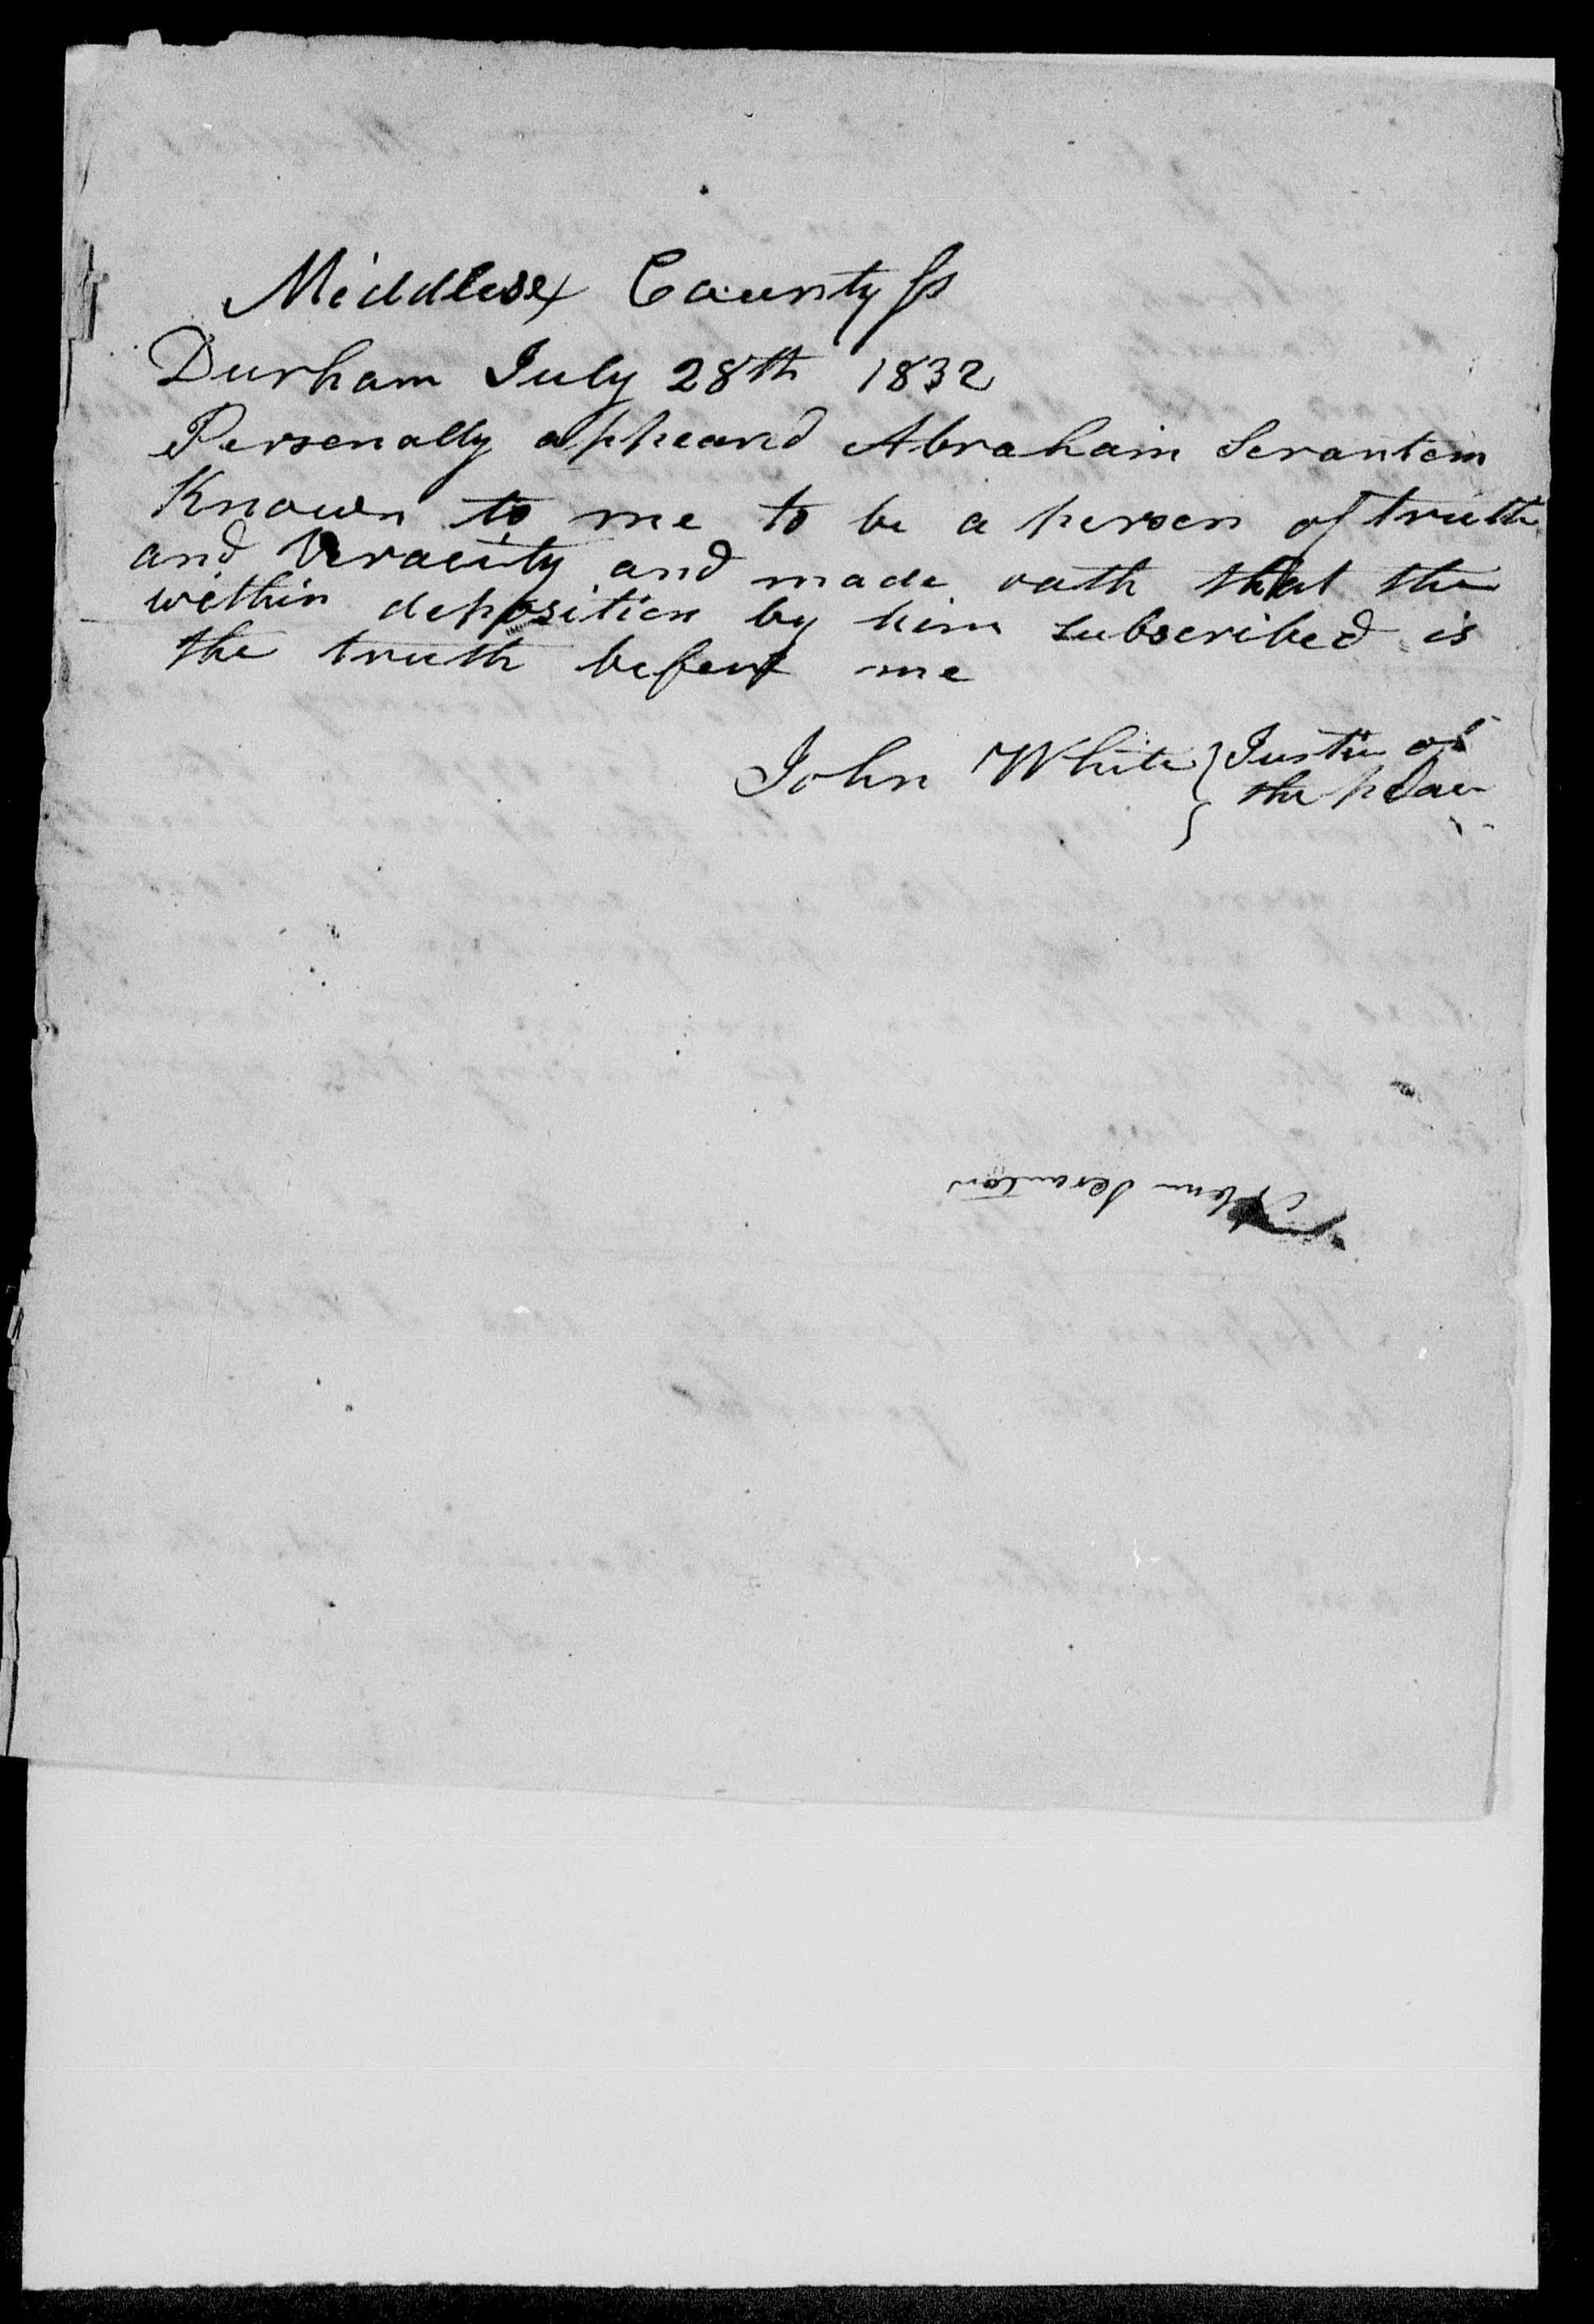Middlesex County ss
Durham July 28th 1832
Personally appeared Abraham Scrantom
known to me to be a person of truth and veracity and made oath that the written deposition by him subscribed is the truth before me
John White Justice of the peace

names: Abrm Scrantom, Abraham Scrantom, John White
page: 16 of 76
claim: widow's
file: W. 5,250, Timothy Coe, Conn.